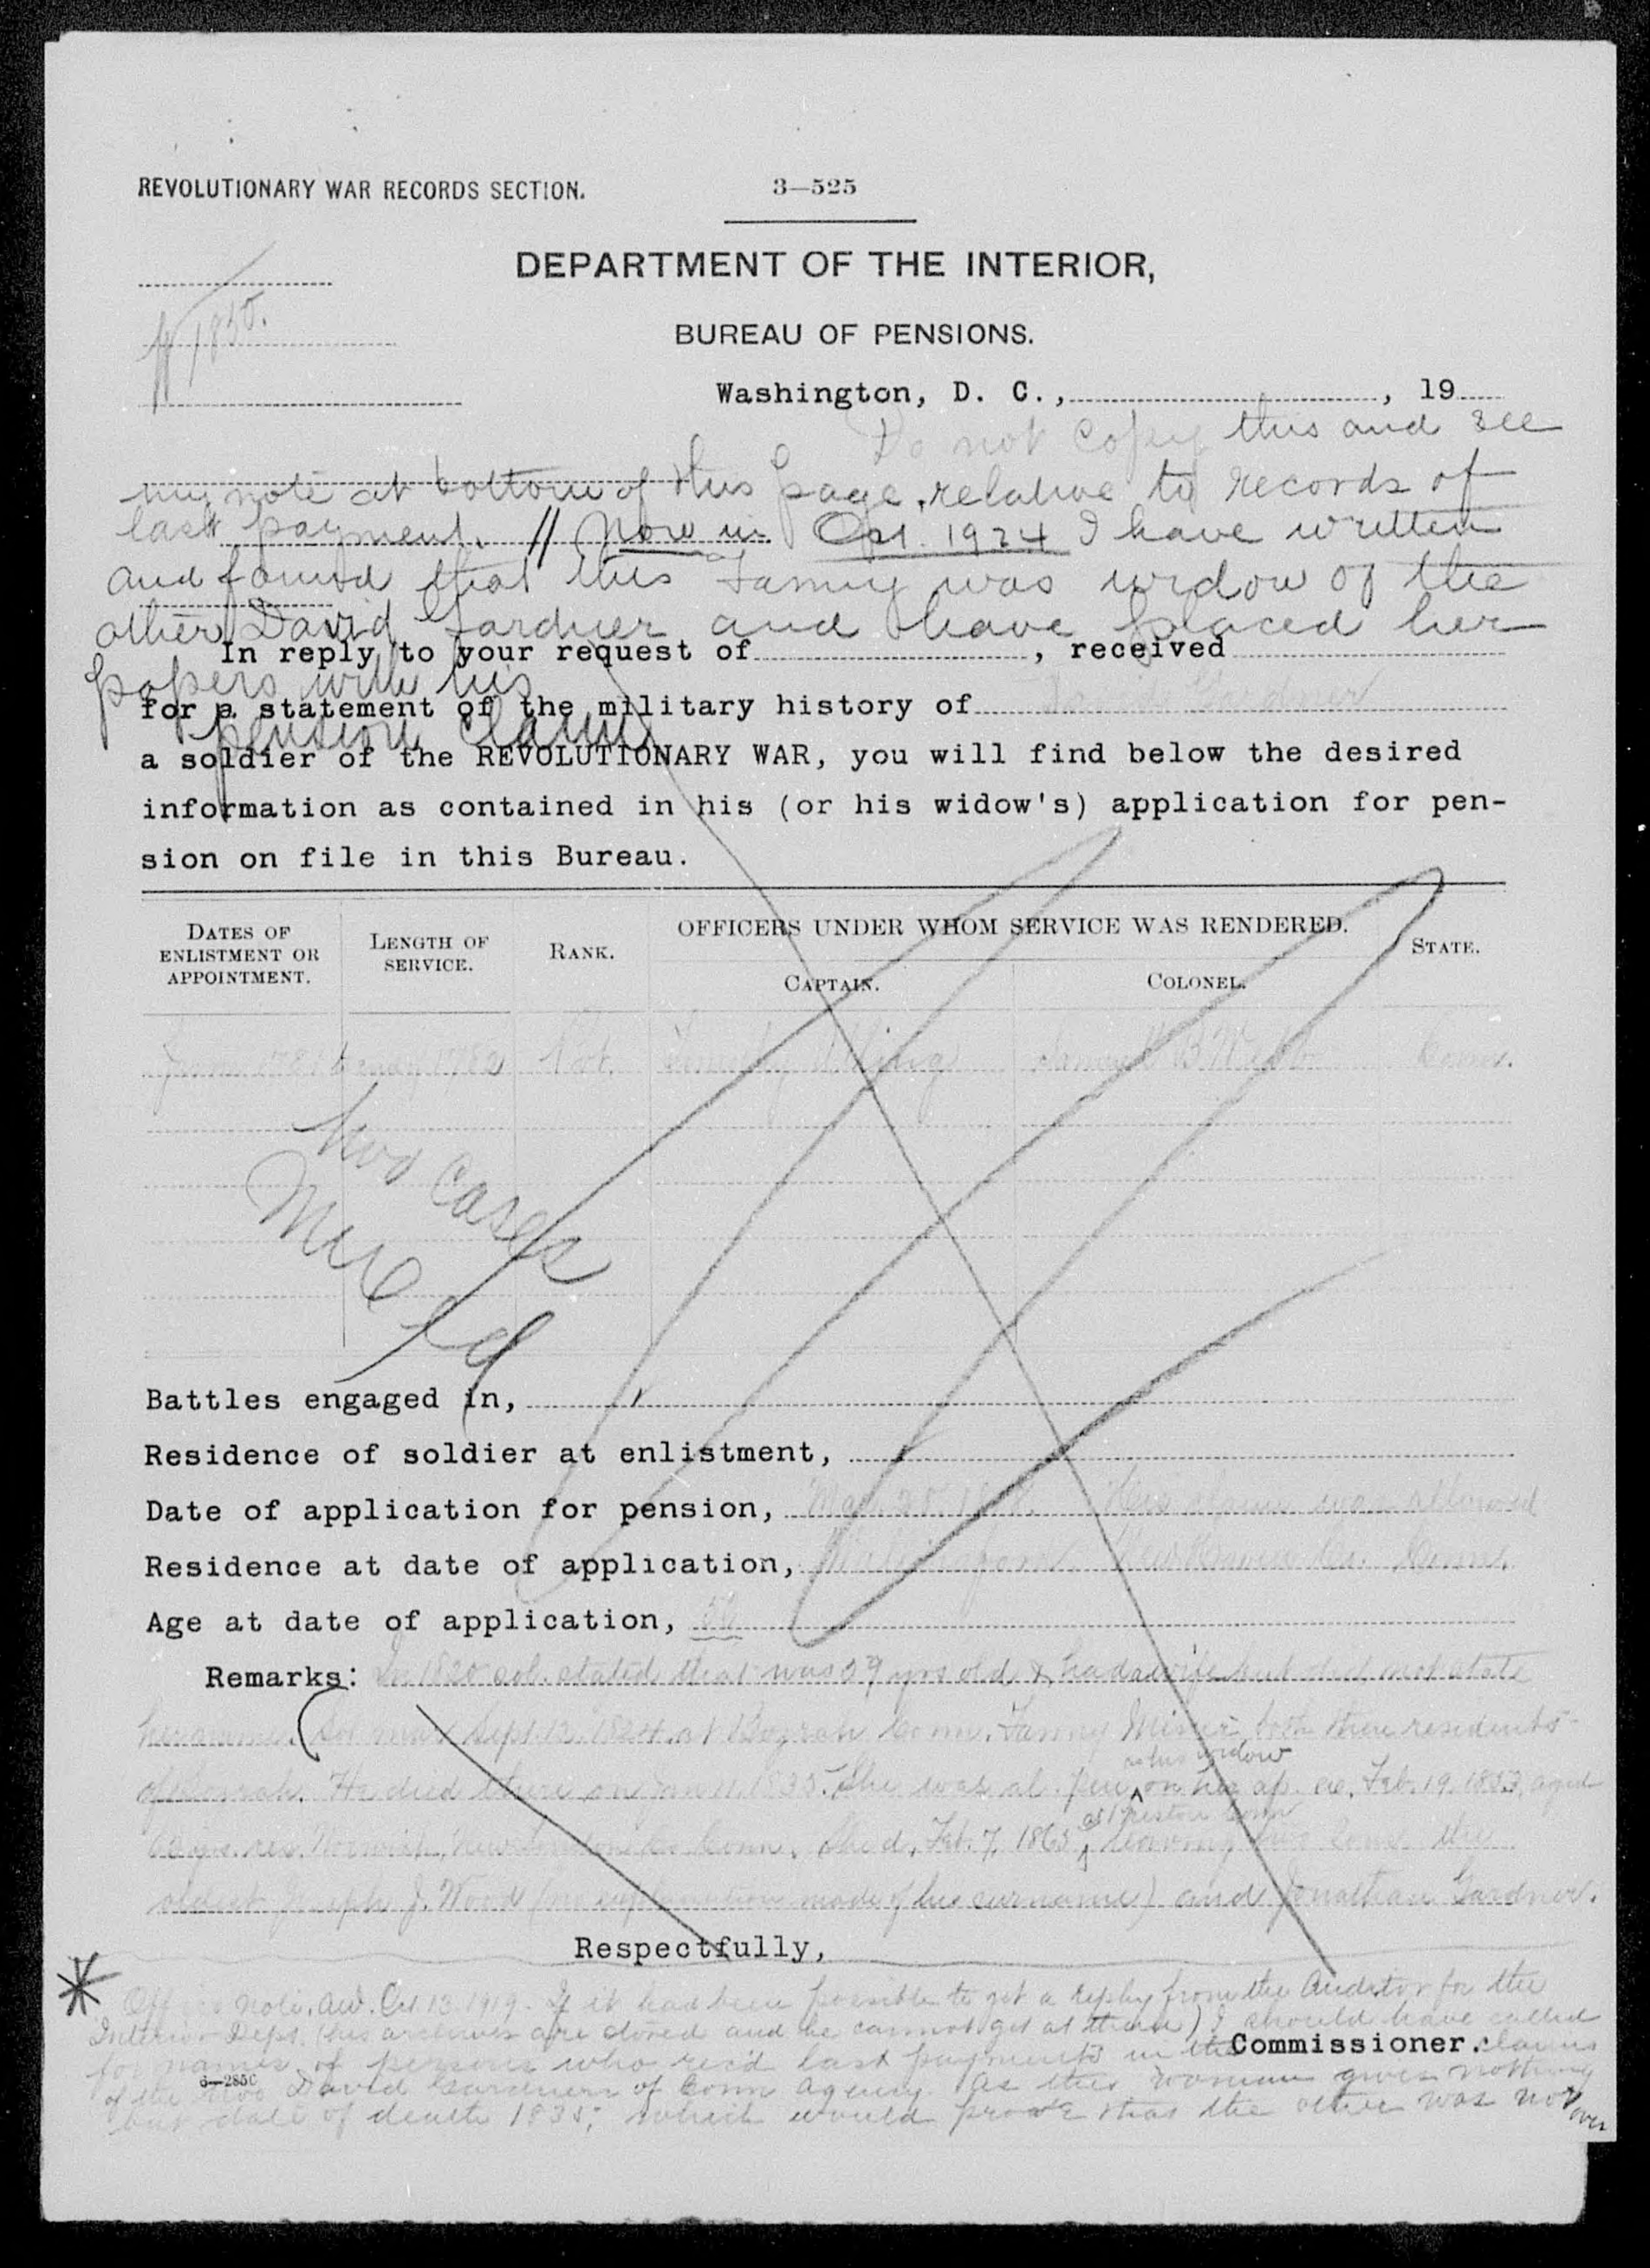3-525

REVOLUTIONARY WAR RECORDS SECTION

DEPARTMENT OF THE INTERIOR
BUREAU OF PENSIONS
Washington, D. C., ................., 19........

W1855.

Do not copy this and see my note at bottom of this page relative to records of last payment. Now in Oct 1924. I have written and found that this Fanny was widow of the other David Gardner and have placed her papers with his pension claim.

two cases moved

[typed form with most of it crossed off]

* Office note. Aud Oct 13 1919. If it had been possible to get a reply from the Auditor for the Interior Dept (his archives are stored and he cannot get at them). I should have called for names of persons who rec'd last payment in the claims of the two David Gardners of Conn Agency. As the woman gives nothing but date of death 1834; which would prove that the other was not
over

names: David Gardners, Joseph J Wood, David Gardner, Samuel B Webb, Fanny Miner, Jonathan Gardner, Fanny, David Gardner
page: 32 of 66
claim: widow's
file: W 1850, David Gardner, Conn.